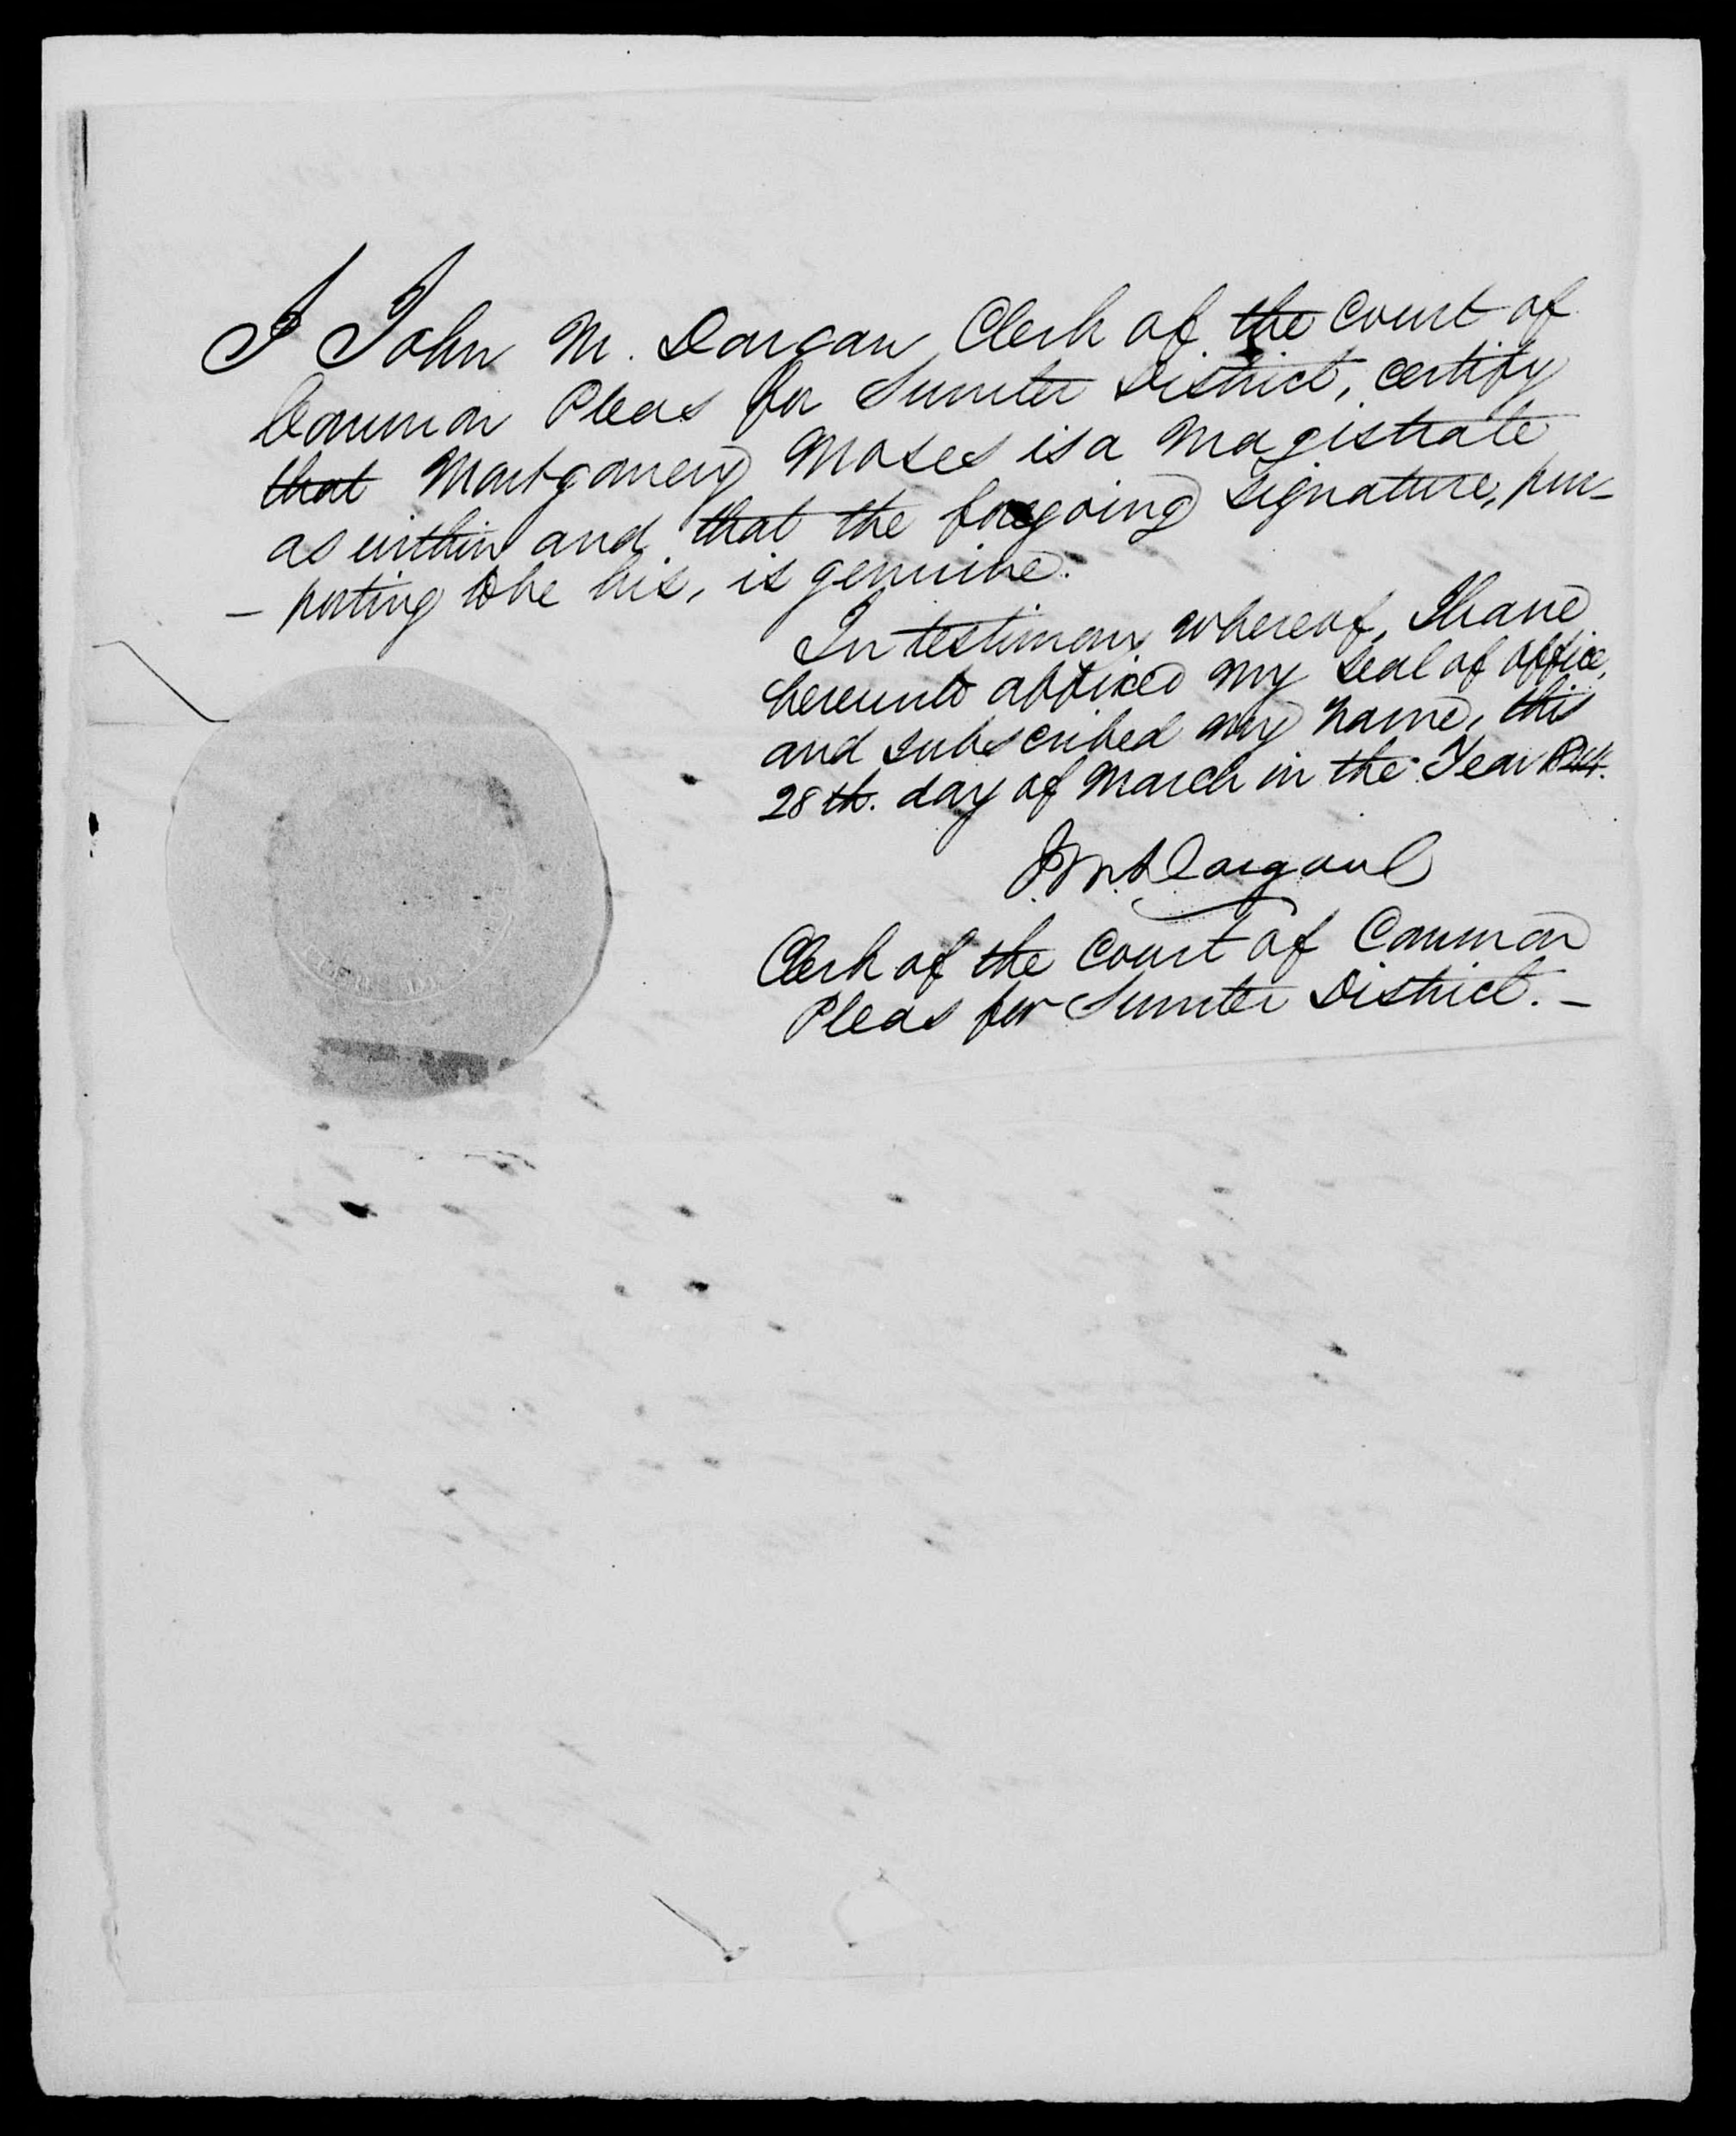I John M. Dargan Clerk of the Court of Common Pleas for Sumter district, certify that Montgomery Moses is a magistrate as within and that the foregoing signature here purporting to be his, is genuine. 

In testimony whereof, I have hereunto affixed my seal of office and subscribed my name, this 28th day of March in the Year 1844.

J Md Dargan
Clerk of the Court of Common Pleas for Sumter District.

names: John M Dargan, Montgomery Moses, J M Dargan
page: 10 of 33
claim: rejected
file: R. 5334, James Hudson, N.C.